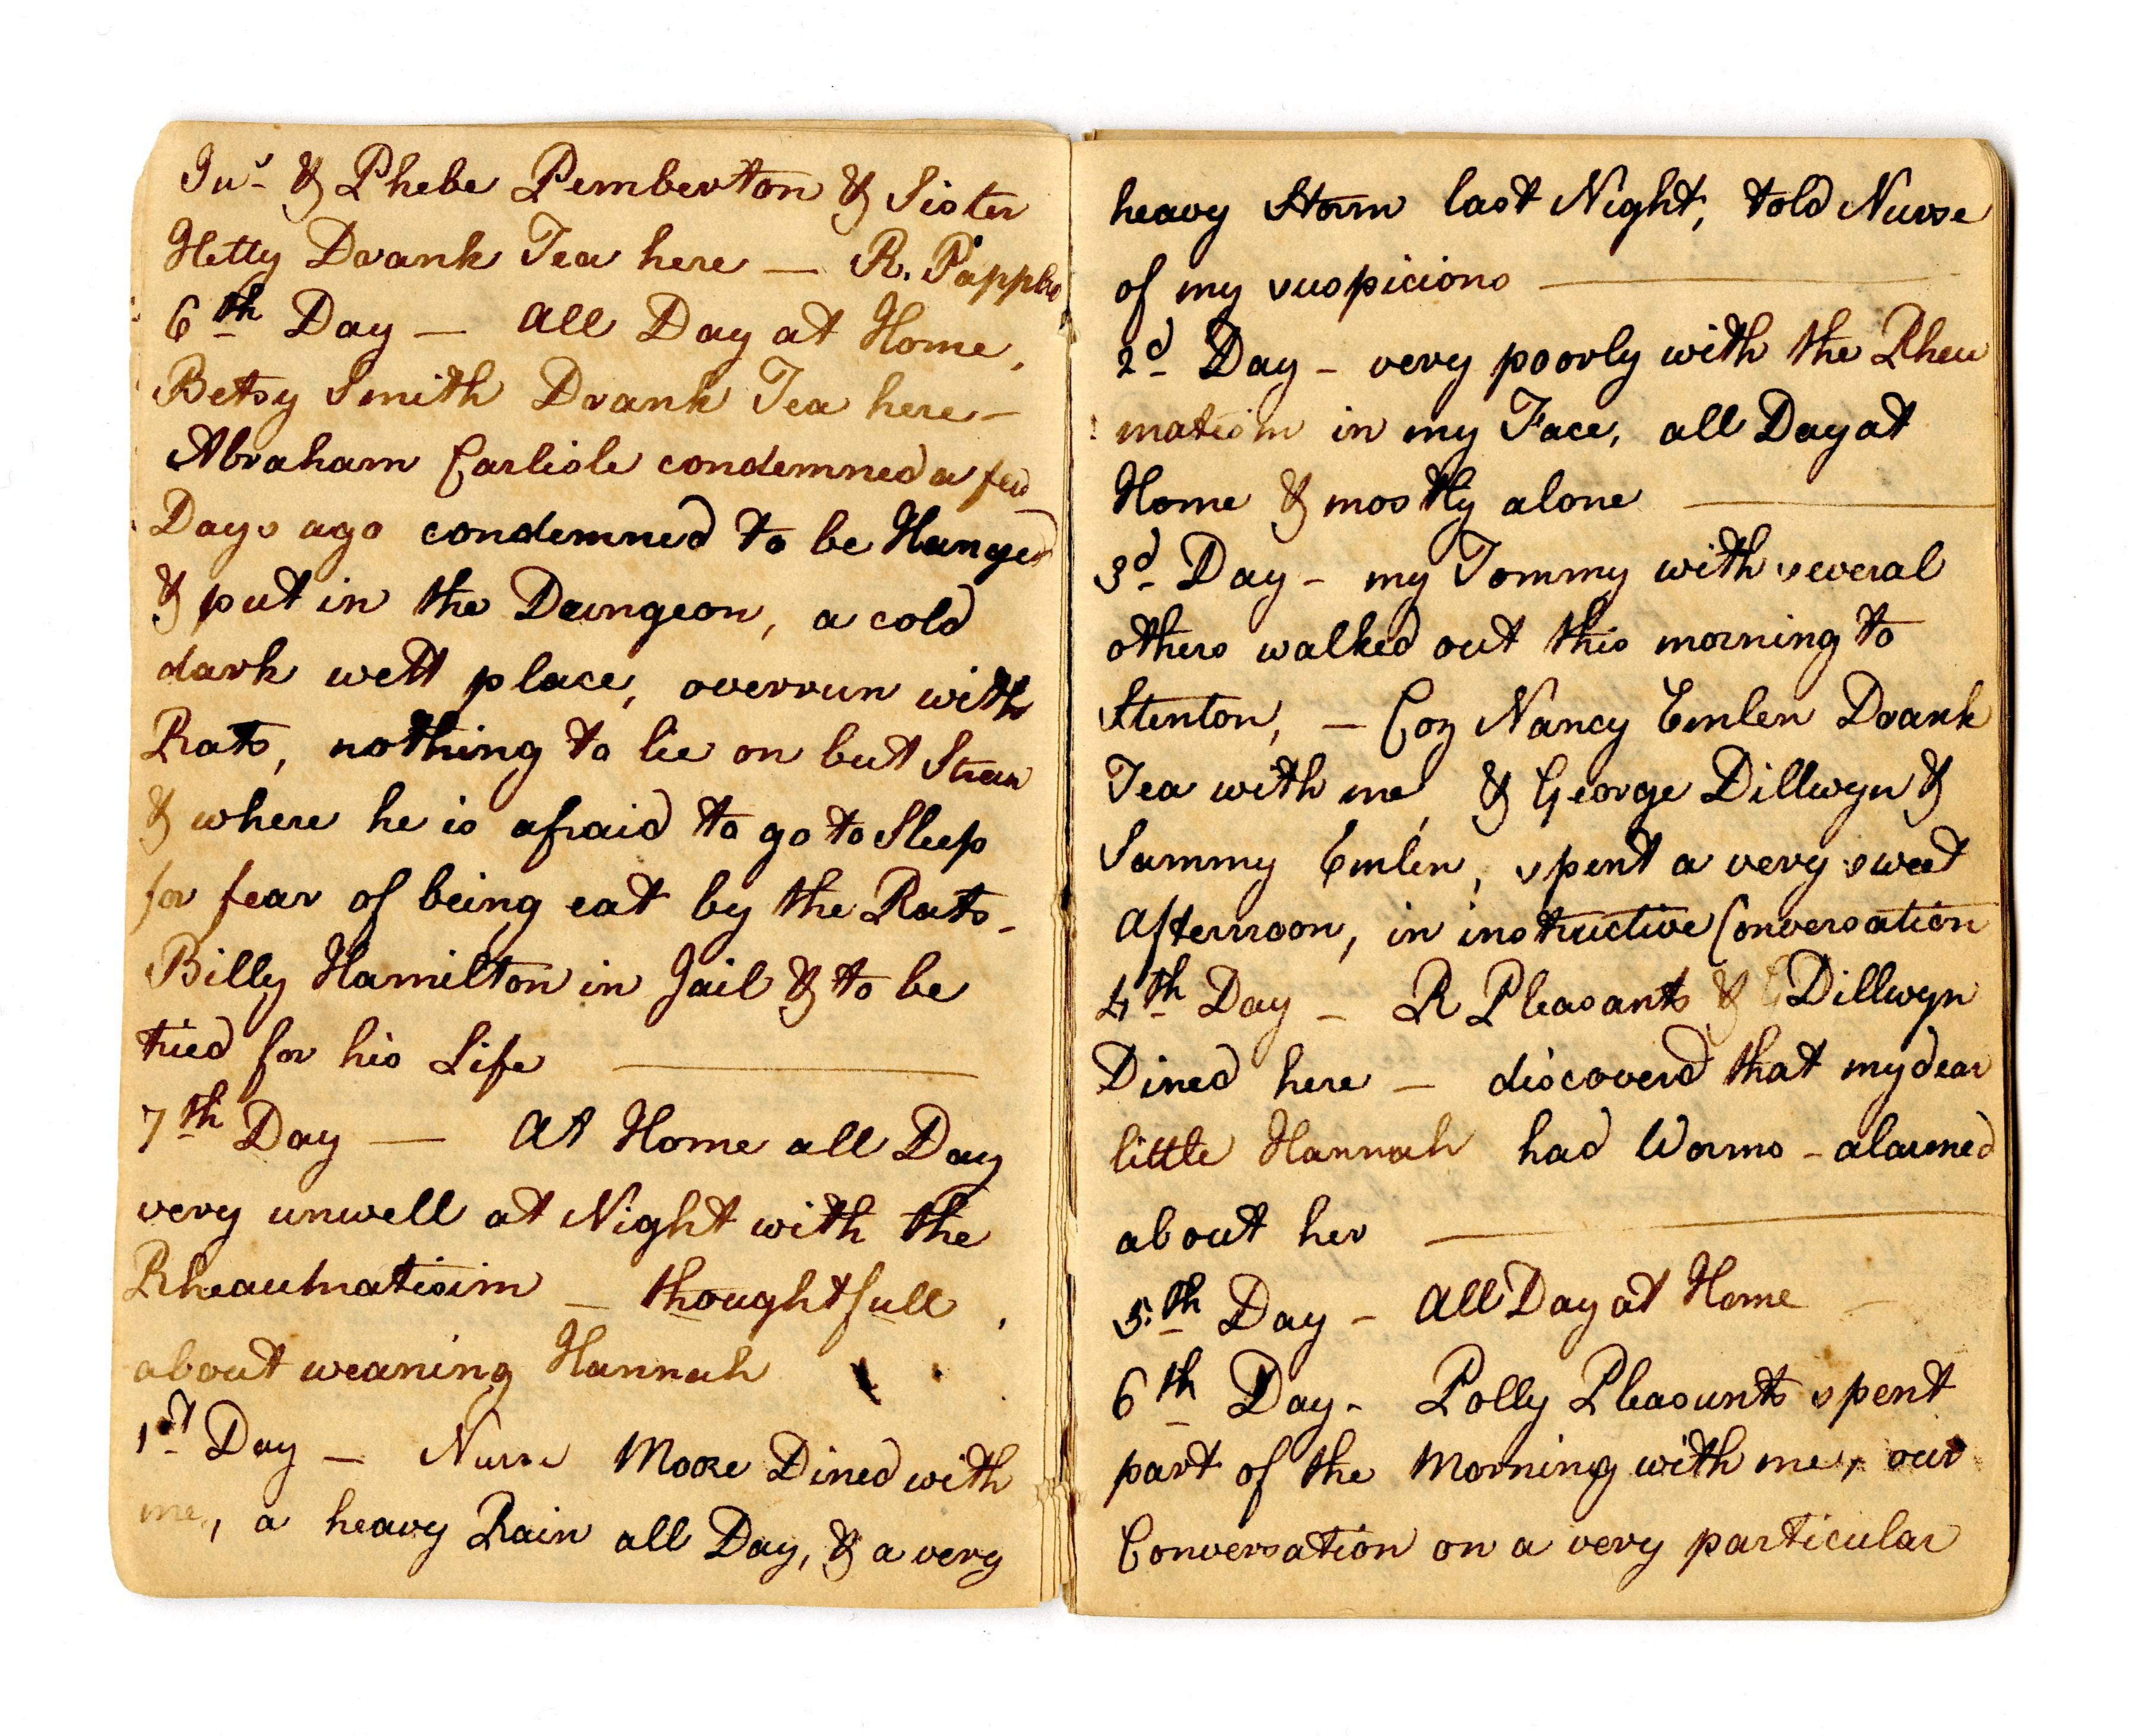Ju^s & Phebe Pemberton & Sister
Hetty Drank Tea here- R. Papphs
6^th Day- All Day at Home,
Betsy Smith Drank Tea here-
Abraham Carlisle condemned a few
Days ago condemned to be Hanged
& put in the Dungeon, a cold
dark wett place, overrun with
Rats, nothing to lie on but Straw
& where he is afraid to go to Sleep
for fear of being eat by the Rats,
Billy Hamilton in Jail & to be
tried for his Life-
7^th Day- At Home all Day
very unwell at Night with the
Rheaumatisim- thoughtfull
about weaning Hannah
1^st Day- Nurse Moore Dined with
me, a heavy Rain all Day & a very
heavy Storm last Night, told Nurse
of my suspicions-
2^d. Day- very poorly with the Rheu
-matism in my Face, all Day at
Home & mostly alone-
3^d. Day- my Tommy with several
others walked out this morning to
Stenton,- Coz Nancy Emlen Drank
Tea with me, & George Dillwyn &
Sammy Emlen, spent a very sweet
Afternoon, in instructive Conversation
4^th Day- R Pleasants & GDillwyn
Dined here- discoverd that my dear
little Hannah had Worms- alarmed
about her -
5^th Day- All Day at Home
6^th Day- Polly Pleasants spent
part of the morning with me, our
Conversation on a very particular